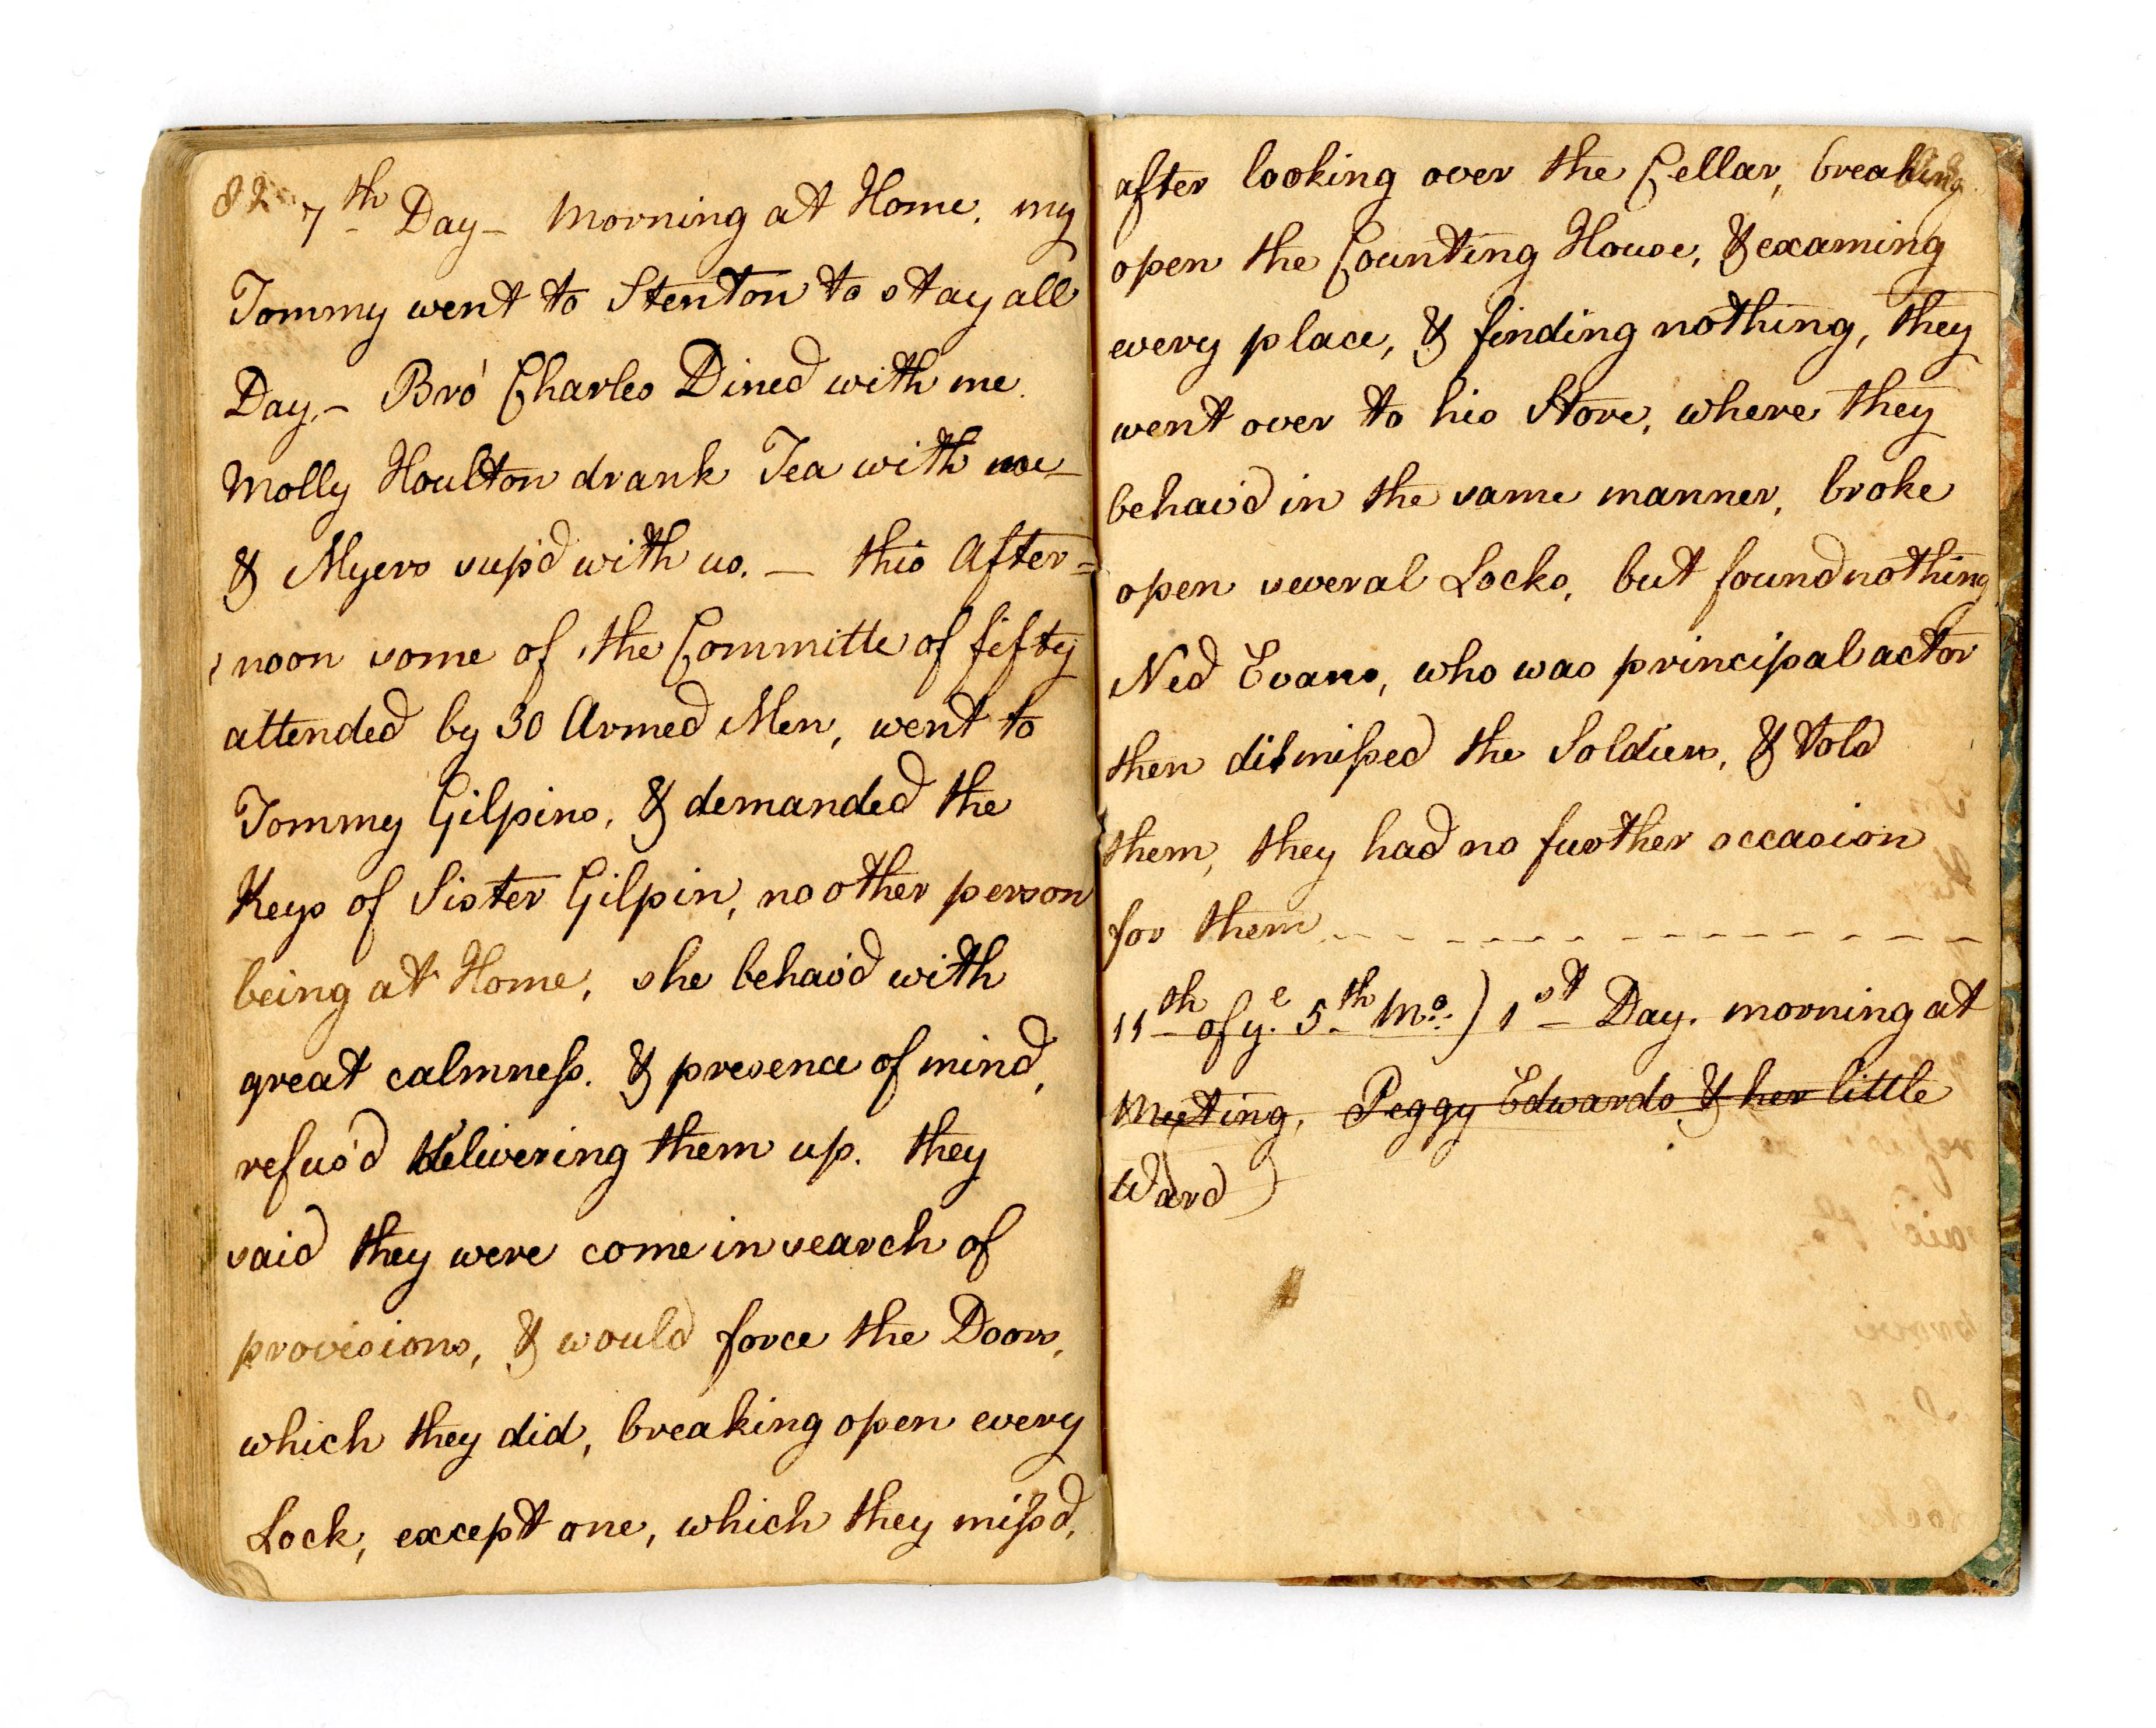7^th Day - Morning at Home, my
Tommy went to Stenton to stay all
Day.- Bro' Charles Dined with me.
Molly Houlton drank Tea with me-
& Myers sup'd with us.- this After-
-noon some of the Committe of fifty
attended by 30 Armed Men, went to
Tommy Gilpins, & demanded the
Keys of Sister Gilpin, no other person
being at Home, she behav'd with
great calmness. & presence of mind,
refus'd delivering them up. they
said they were come in search of
provisions, & would force the Doors,
which they did, breaking open every
Lock, except one, which they missd,
after looking over the Cellar, breaking
open the Counting House, & examing
every place, & finding nothing, they
went over to his Stove, where they
behav'd in the same manner, broke
open several Locks, but found nothing
Ned Evans, who was principal actor
then dismissed the Soldiers, & told
them, they had no further occasion
for them-
11^th of y^e. 5^th. M^o.) 1^st Day. morning at
[Meeting, Peggy Edwards & her little]
Ward)